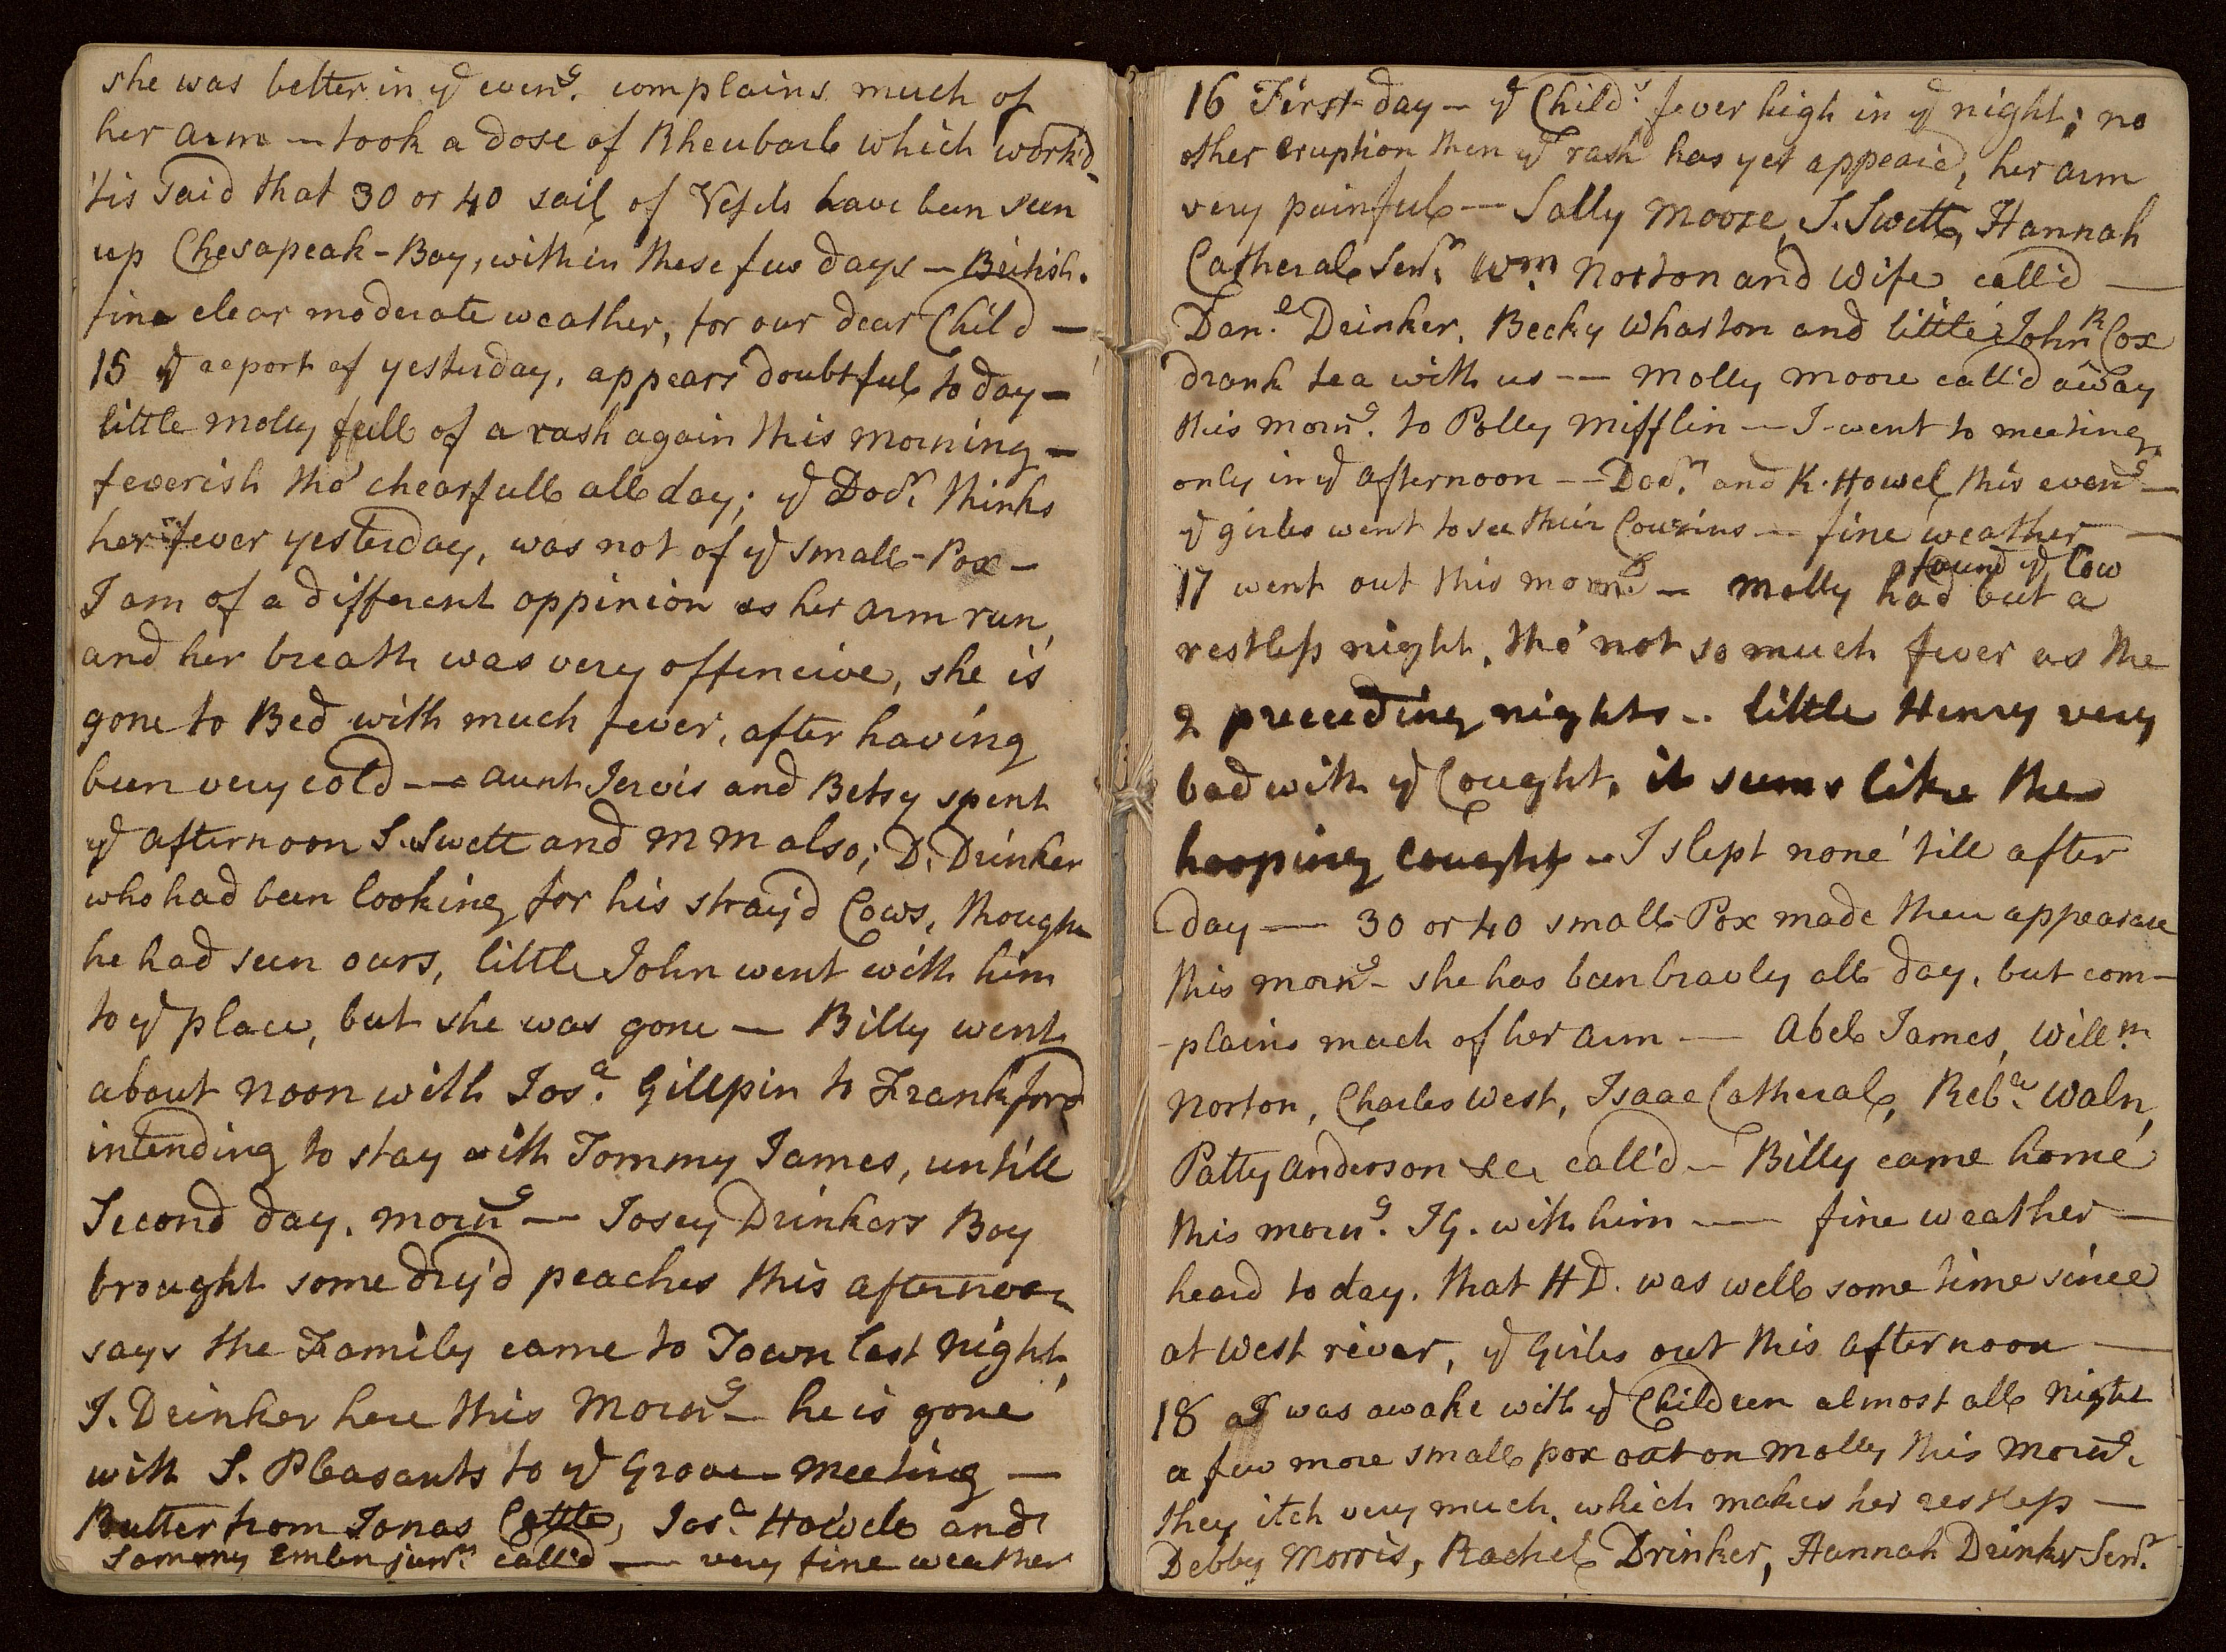she was better in y^e even^g. complains much of
her arm- took a dose of Rheubarb which work'd
'tis said that 30 or 40 sail of Vesels have been seen
up Chesapeak-Bay, with in these few days- British.
fine clear moderate weather, for our dear Child-
15 y^e report of yesterday, appears doubtful to day-
little Molly full of a rash again this morning-
feverish tho' chearfull all day; y^e Doc^r. thinks
her fever yesterday, was not of y^e Small-Pox-
I am of a different oppinion as her arm run,
and her breath was very offencive, she is
gone to Bed with much fever, after having
been very cold- Aunt Jervis and Betsy spent
y^e afternoon S Swett and M M also; D. Drinker
who had been looking for his stray'd Cows, though
he had seen ours, little John went with him
to y^e place, but she was gone- Billy went
about noon with Jos^a. Gillpin to Frankford
intending to stay with Tommy James, untill
Second day, morn^g- Josey Drinkers Boy
brought some dryd peaches this afternoon
says the Family came to Town last night,
I. Drinker here this morn^g- he is gone
with S. Pleasants to y^e Grove- meeting-
Butter from Jonas Cattle, Jos^a. Howels and
Sammy Emlen jun^r. call'd- vey fine weather
16 First day- y^e Child^s. fever high in y^e night; no
other eruption then y^e rash has yet appear'd, her arm
very painful- Sally Moore, S. Swett, Hannah
Catheral Sen^r. W^m. Norton and wife, call'd-
Dan^l. Drinker, Becky Wharton and little John ^R Cox
drank tea with us-- Molly Moore call'd away
this morn^g. To Polly Mifflin- I went to meeting,
only in y^e afternoon-- Doc^r. and K. Howel this even^g-
y^e girles went to see their Cousins- fine weather-
found y^e Cow
17 went out this morn^g.- Molly had but a
restless night, tho' not so much fiver as the
2 preceding nights- little Henry very
bad with y^e Cought, it seems like the
hooping cought- I slept none 'till after
day- 30 or 40 small Pox made their appearace
this morn^g- she has been bravly all day, but com-
-plains much of her arm- Abel James Will^m.
Norton, Charles West, Isaac Catheral, Reb^a. Waln,
Patty Anderson &c call'd- Billy came home
this morn^g. JG. with him- fine weather-
heard to day. that HD. was well some time since
at West river, y^e Girles out this afternoon-
18 I was awake with y^e Children almost all night
a few more small pox out on Molly this morn^g.
they itch very much, which makes her restless-
Debby Morris, Rachel Drinker, Hannah Drinker Sen^r.